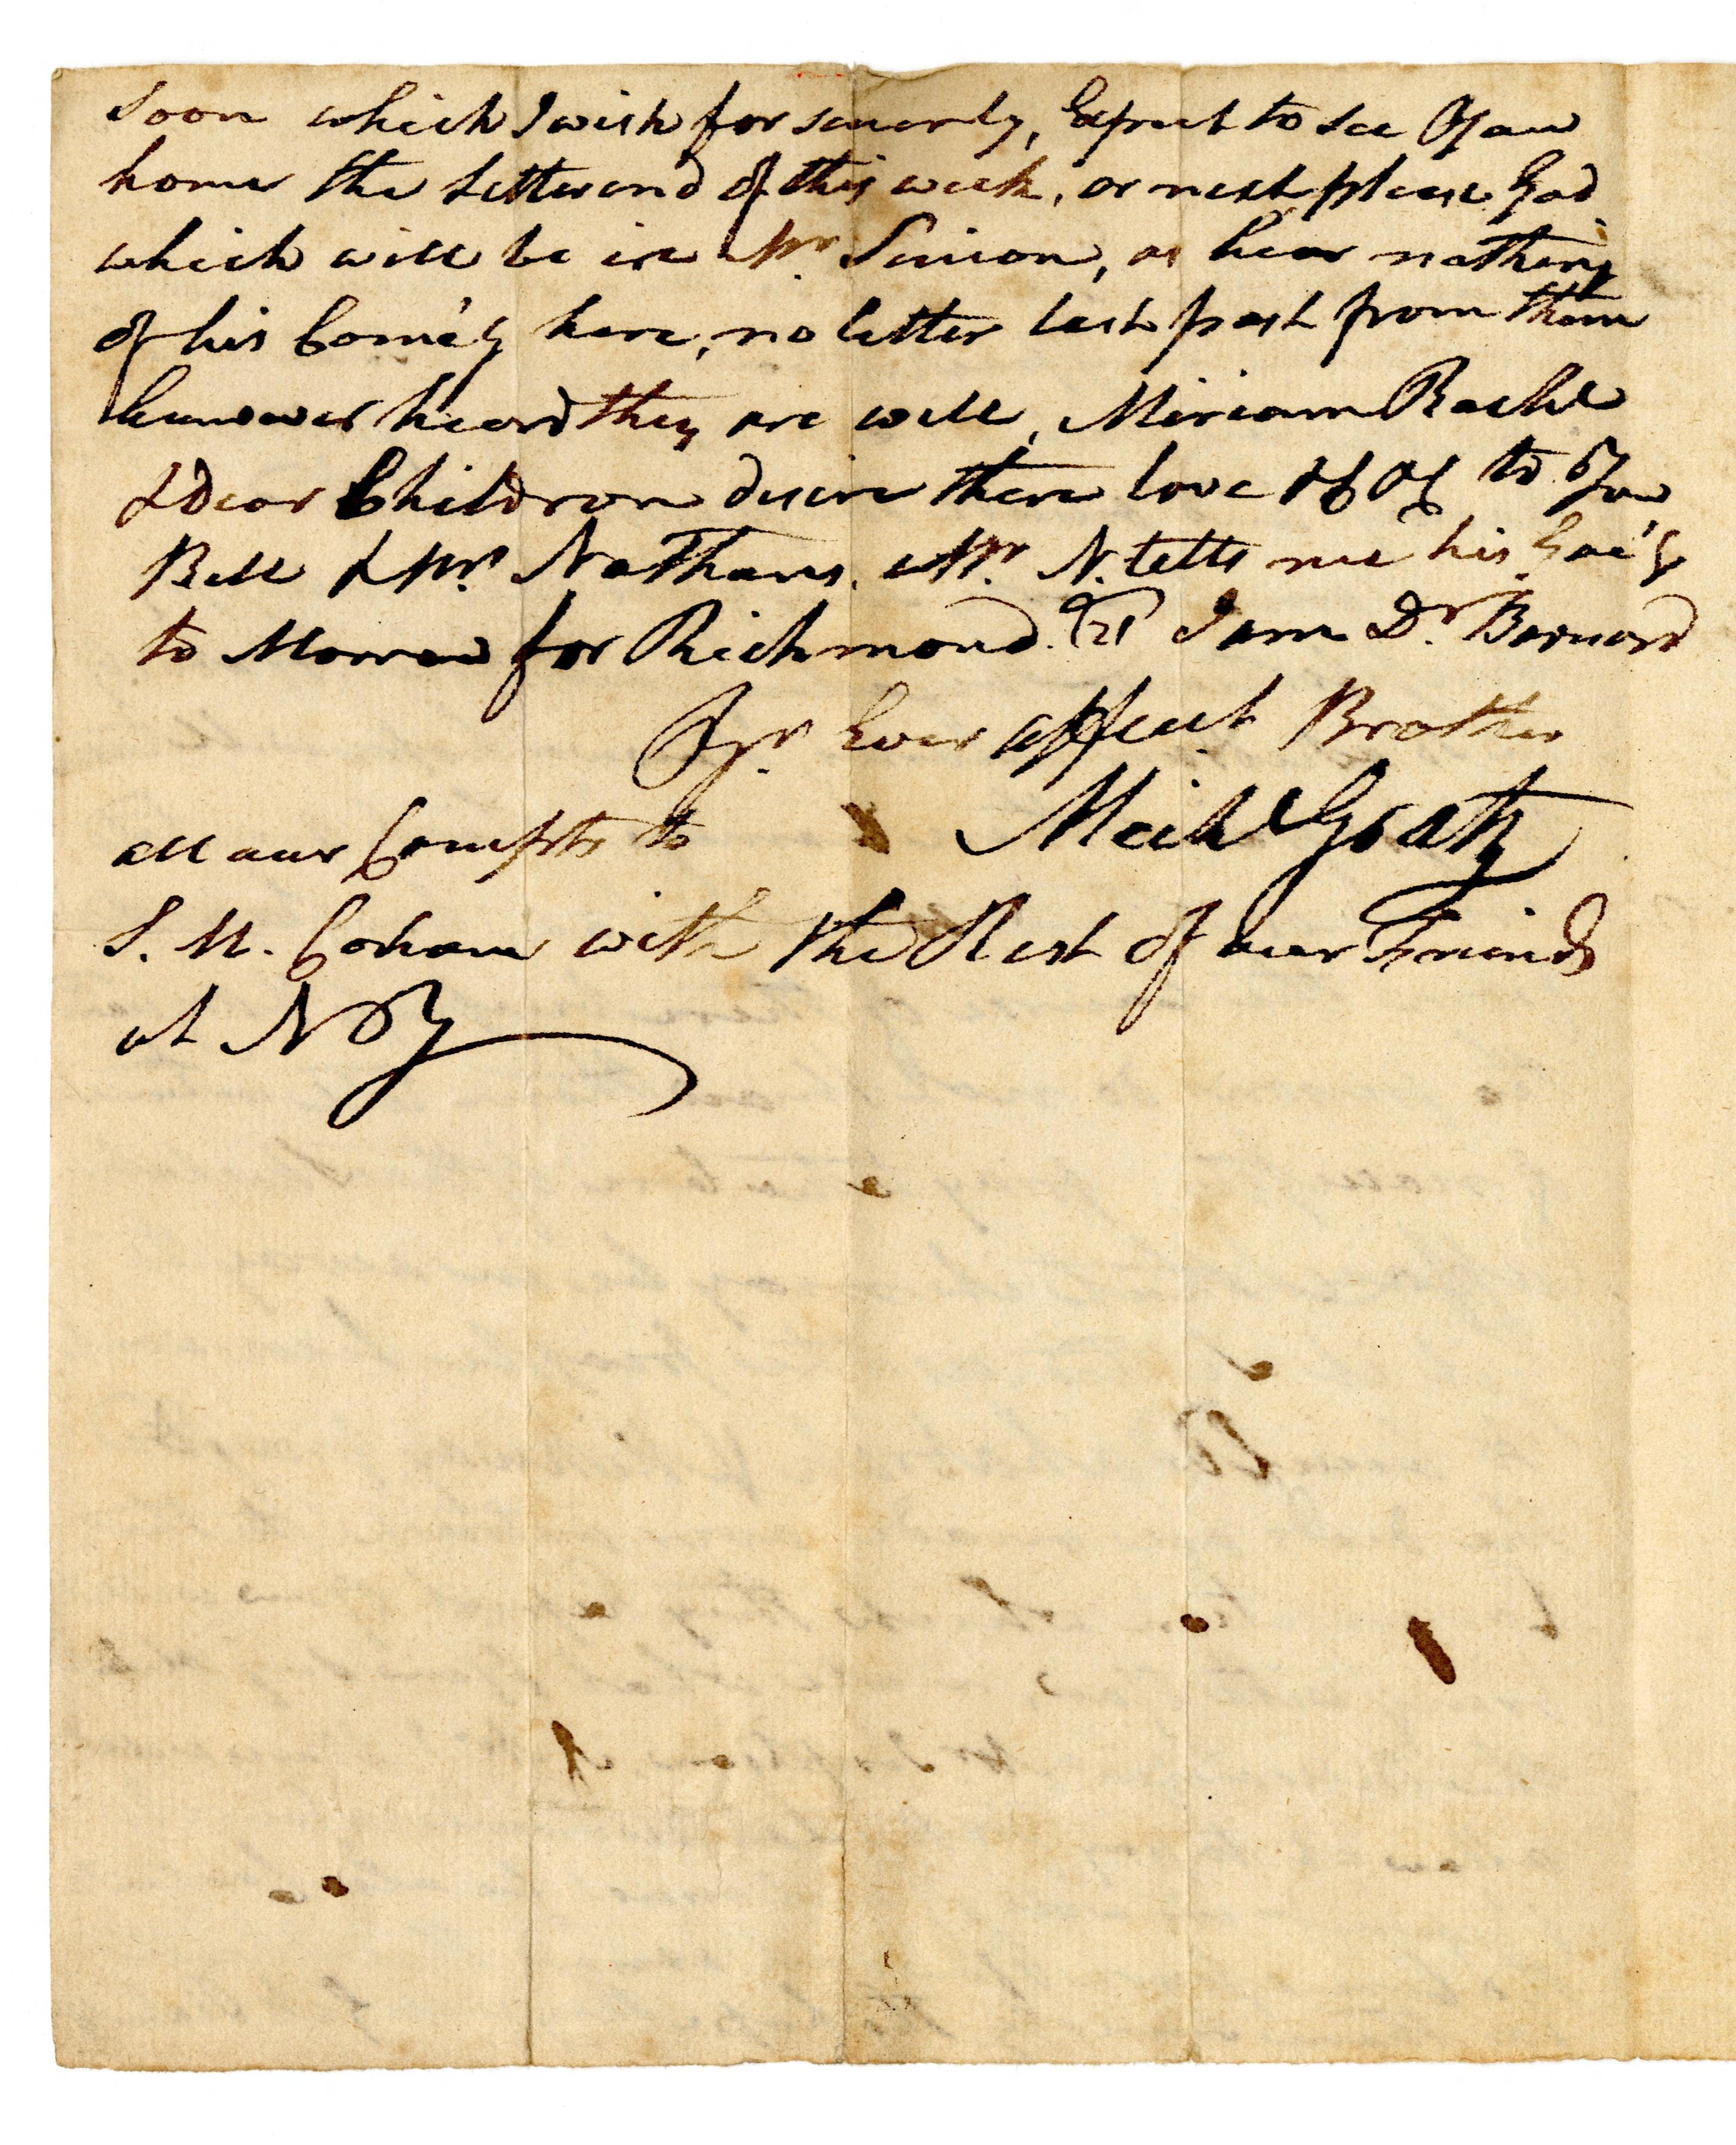soon which I wish for severly. Expect to see you
home the Letter and of this week, or next please God
which will be in M^r Simon, of hear nothing
of his Come'g here, no letter last post from them
however heard they are well, Miriam Rachl
& dear Children desire there love &c &c to you
Bell & M^r Nathans M^r. N. tells me his goe'g
to Morrow for Richmond [__] I am D^r. Barnard
All our Compts to
S. M. Cohan with the rest of our friends
at NY
f^r Ever affect brother
Mich^l Gratz